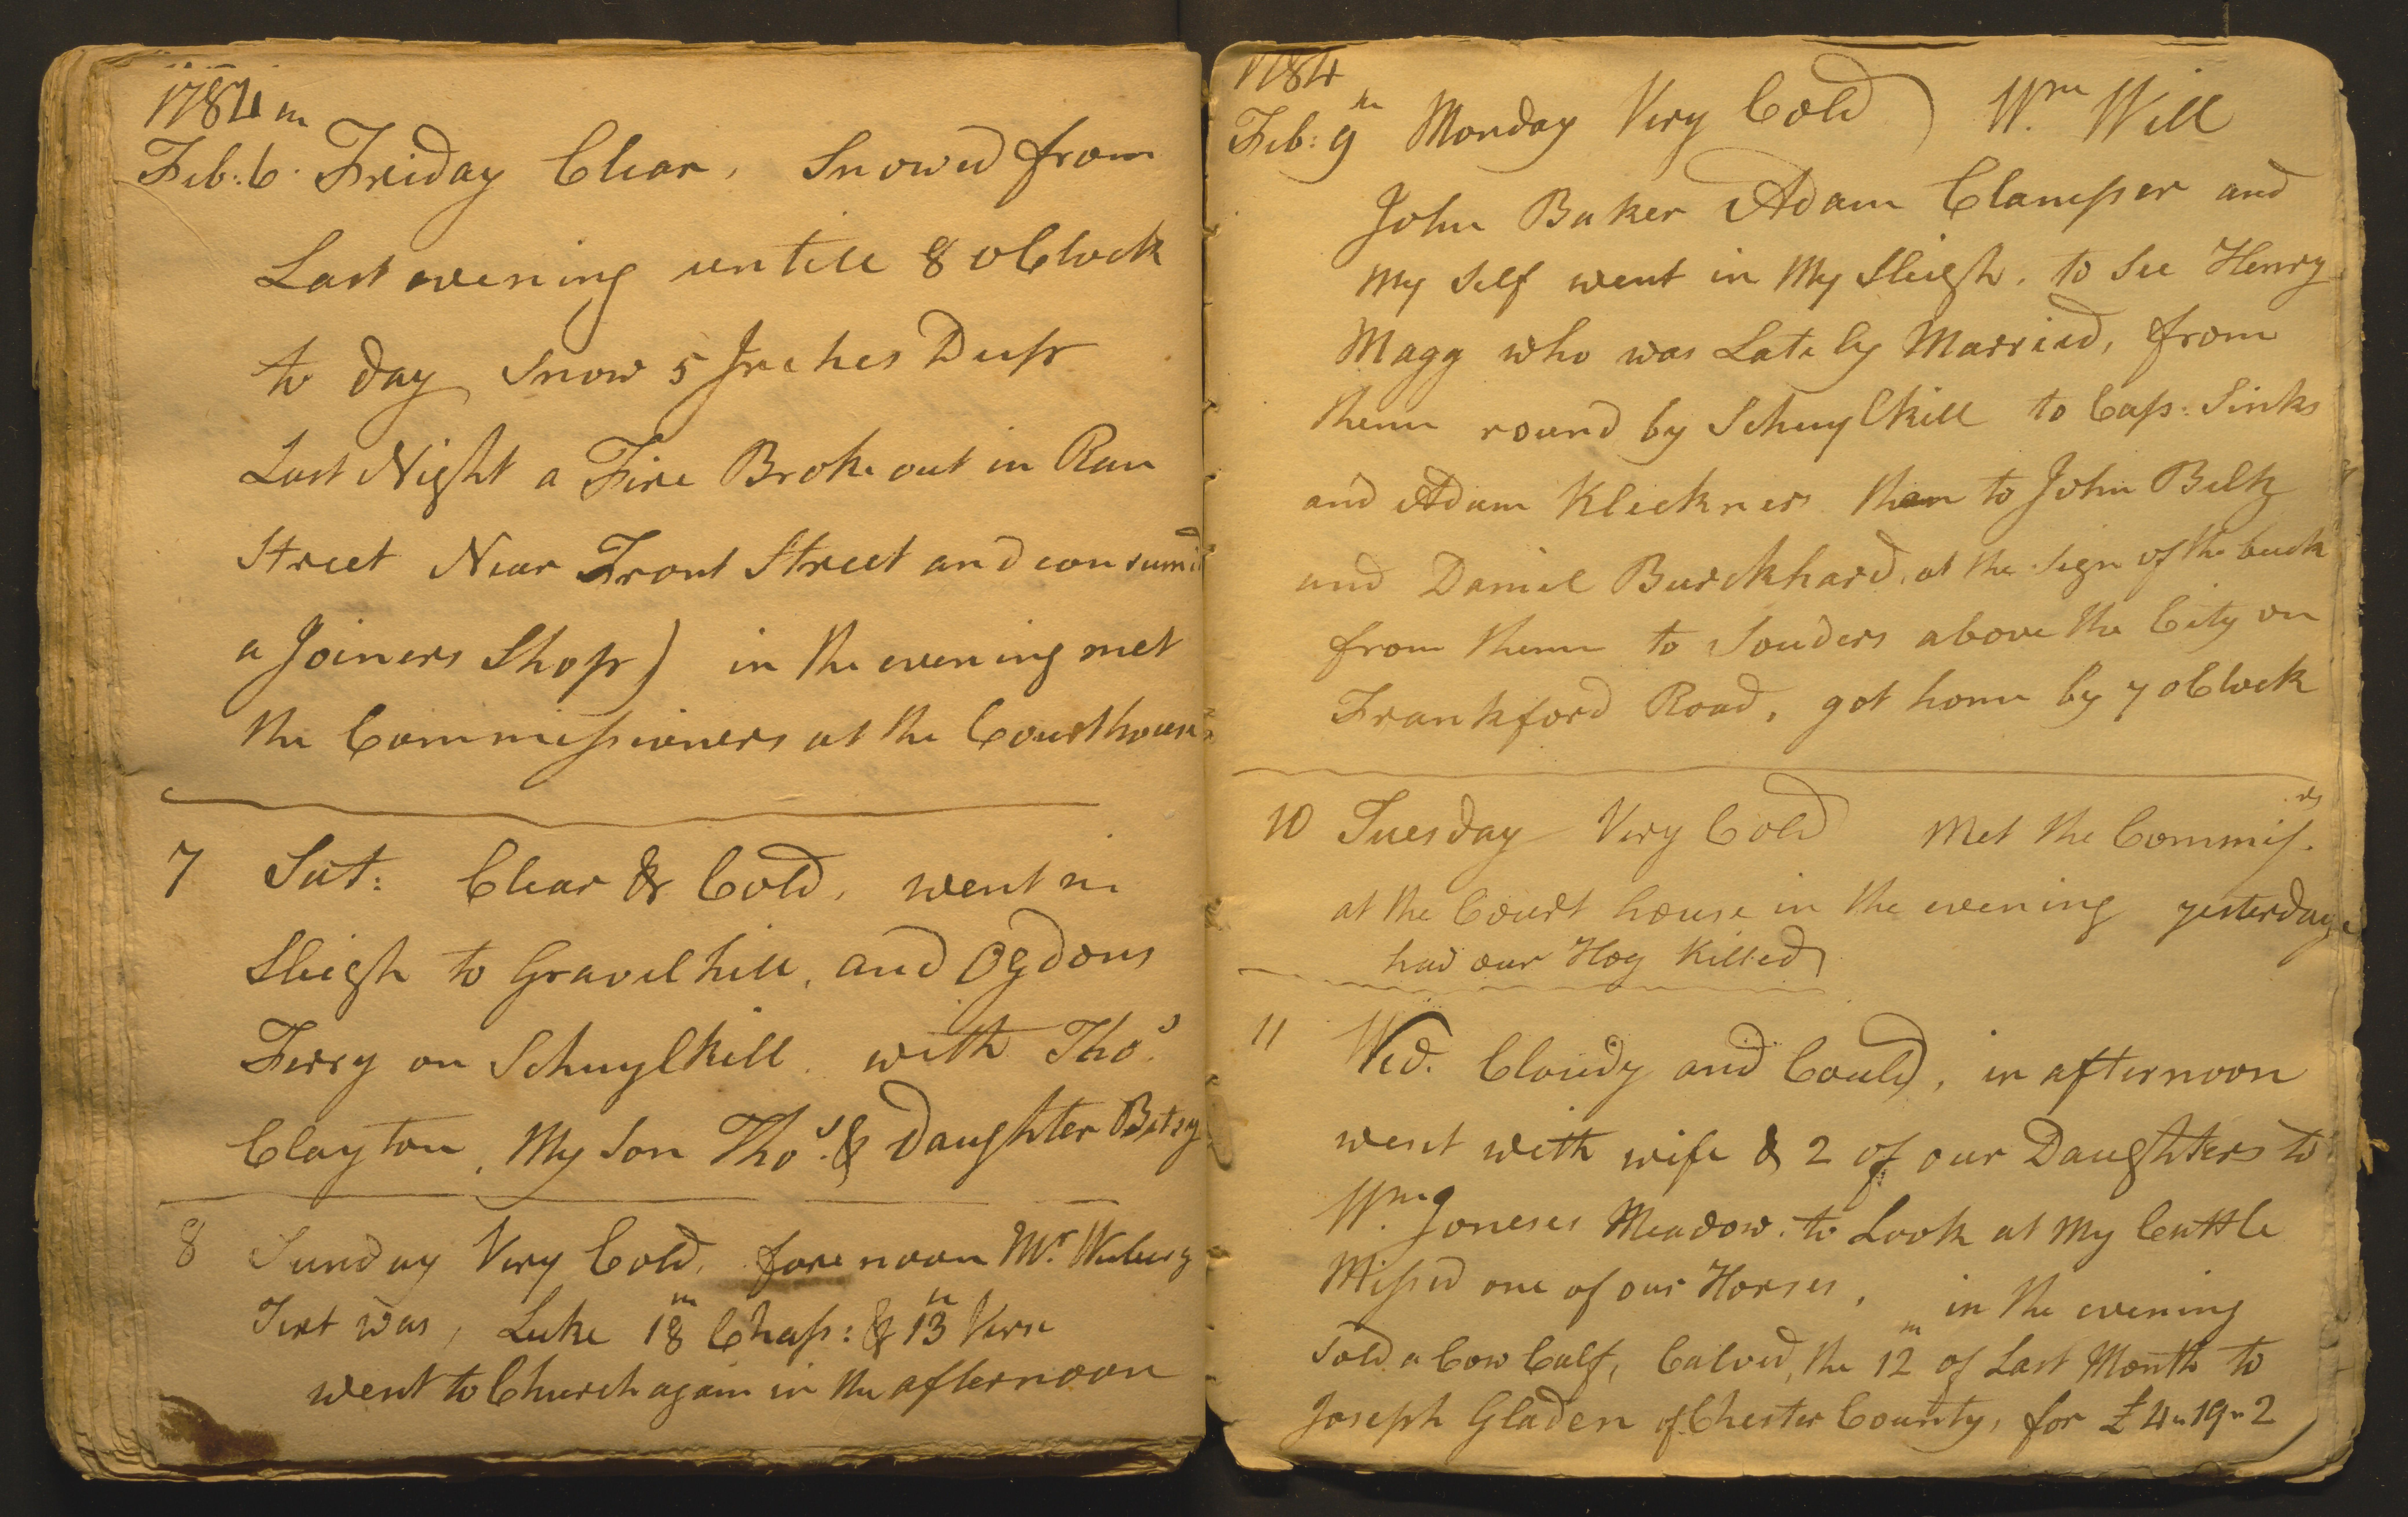1784
Feb: 6^th. Friday Clear, Snowed from
Last ovening untill 8 oClock
to day Snow 5 Inches Deep
Last Night a Fire Broke out in Race
Street Near Front Street and consumd
a Joiners Shop) in the evening met
the Commissioners at the Courthouse
7 Sat. Clear & Cold, went in
Sleigh to Gravelhill and Ogdons
Ferry on Schuylkill, with Tho^s.
Clayton, My Son Tho^s. & daughter Betsy
8 Sunday Very Cold. forenown M^r. Weiberg
Text was, Luke 18^th Chap: & 13^th Verse
went to Church again in the afternoon
1784
Feb: 9th Monday Very Cold W^m Will
John Baker Adam Clamper and
My self went in My Sleigh, to see Henry
Magg who was Lately Married, from
thence round by Schuylkill to Cap: Sinks
and Adam Klickners than to John Beltz
and Damel Burckhard at the sign of the buck
from thence to Sonders above the City on
Frankford Road, got home by 7 oClock
10 Tuesday Very Cold Met the Commis.
at the Court house in the evening yesterday
had our Hog killed
11 Wed. Cloudy and Could, in afternoon
went with wife & 2 of our Daughters to
W^m. Joneses Meadow. to Look at My Cattle
Missed one of our Horses, in the evening
sold a Cow Calf, Calved the 12^th of Last Month to
Joseph Gladen of Chester County, for £4..19..2